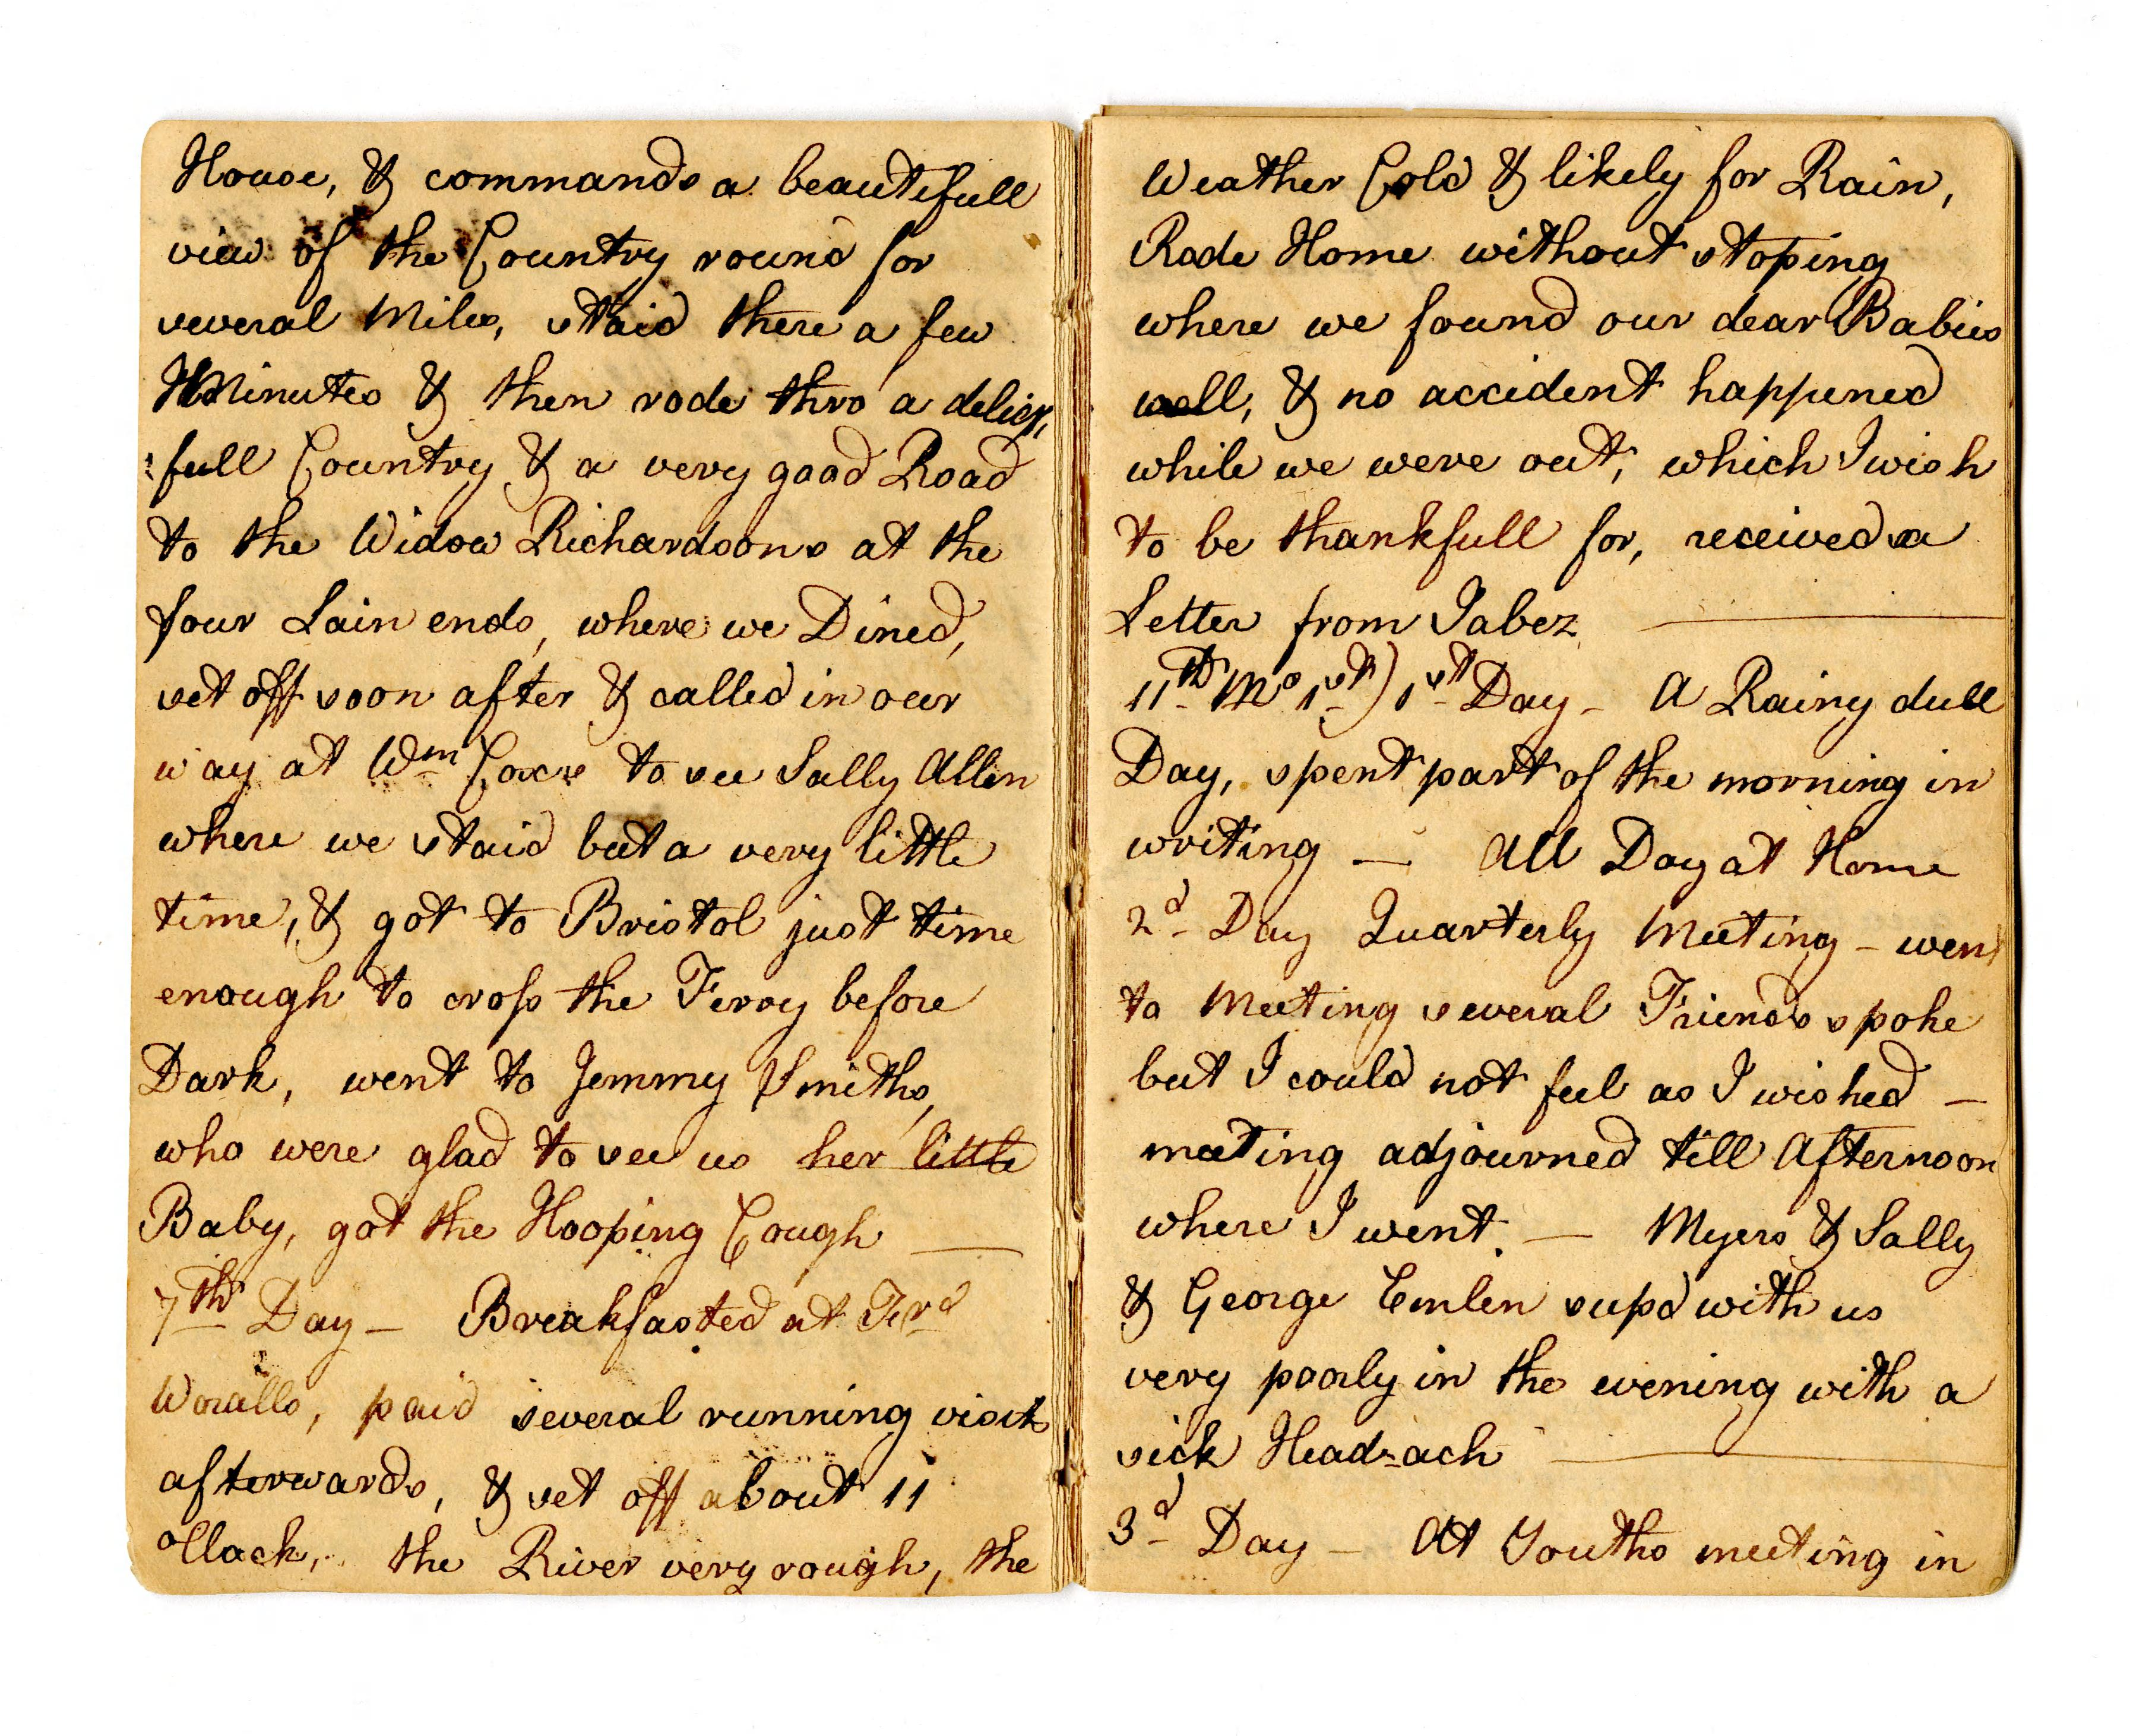House, & commands a beautifull
view of the Country round for
several Miles, staid there a few
Minutes & then rode thro' a delig-
-full Country & a very good Road
to the Widow Richardsons at the
four Lain ends, where we Dined,
set off soon after & called in our
way at W^m Coxs to see Sally Allen
where we staid but a very little
time, & got to Bristol just time
enough to cross the Ferry before
Dark, went to Jemmy Smiths,
who were glad to see us her little
Baby, got the Hooping Cough
7^th Day- Breakfasted at F^rd
Woralls, paid several running visits
afterwards, & set off about 11
^oClock, the River very rough, the
Weather Cold & likely for Rain,
Rode Home without stoping
where we found our dear Babies
well, & no accident happened
while we were out, which I wish
to be thankfull for, received a
Letter from Jabez
11^th M^o 1^st) 1^st Day- A Rainy dull
Day, spent part of the morning in
writing- All Day at Home
2^d Day Quarterly Meeting- went
to Meeting several Friends spoke
but I could not feel as I wished-
meeting adjourned till Afternoon
where I went- Myers & Sally
& George Emlen supd with us
very poorly in the evening with a
sick Head-ach
3^d Day- At Youths meeting in